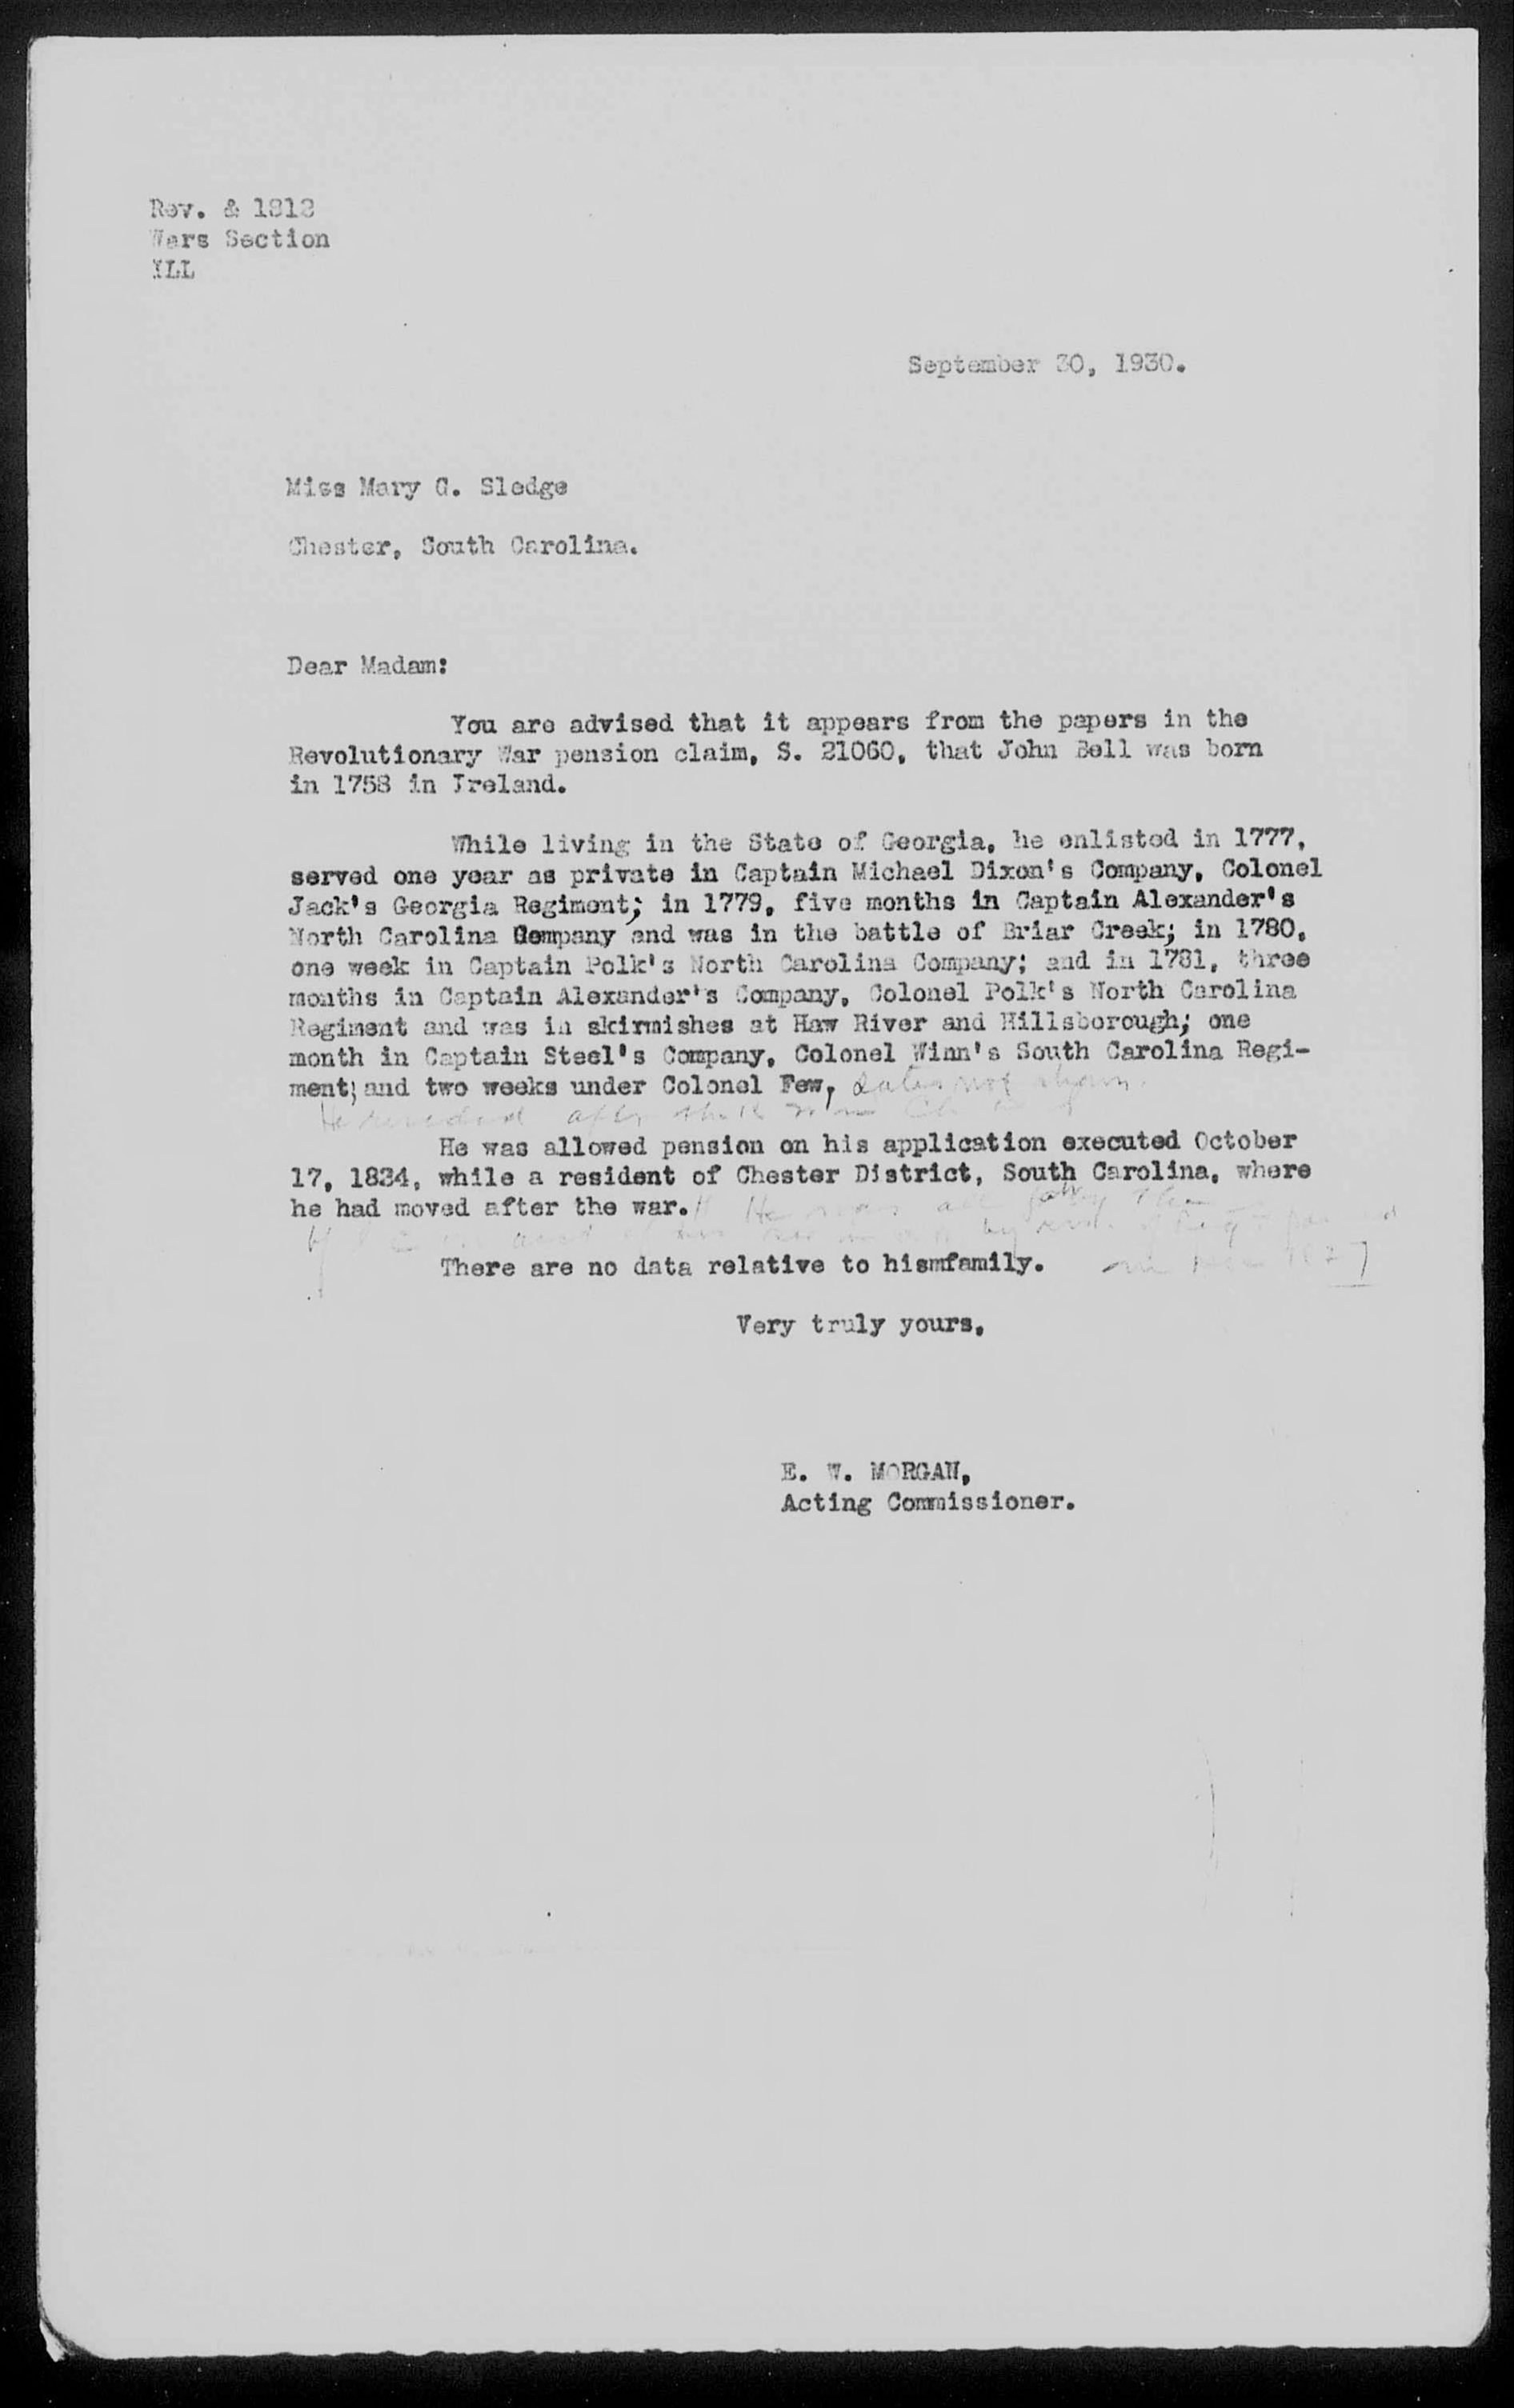Rev. & 1812
Wars Section
ILL
September 30, 1930.
Miss Mary G. Sledge
Chester, South Carolina.
Dear Madam:
You are advised that it appears from the papers in the Revolutionary War pension claim, S. 21060, that John Bell was born in 1758 in Ireland.
While living in the State of Georgia, he enlisted in 1777, served one year as private in Captain Michael Dixon's Company, Colonel Jack's Georgia Regiment; in 1779, five months in Captain Alexander's North Carolina Company and was in the battle of Briar Creek; in 1780,
one week in Captain Polk's North Carolina Company; and in 1781, three months in Captain Alexander's Company, Colonel Polk's North Carolina Regiment and was in skirmishes at Haw River and Hillsborough; one month in Captain Steel's Company, Colonel Winn's South Carolina Regiment and two weeks under Colonel Few, [dates not shown. He resided after the R War in Ch Dist. - handwritten notes]
He was allowed pension on his application executed October 17, 1834, while a resident of Chester District, South Carolina, where he had moved after the war. [Illegible handwritten notes]
There are no data relative to his family.
Very truly yours,
E. W. MORGAN,
Acting Commissioner.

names: Mary G Sledge, John Bell, E W Morgan, Few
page: 23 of 23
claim: survivor's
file: S. 21068, John Bell, Ga. N. C. S. C.